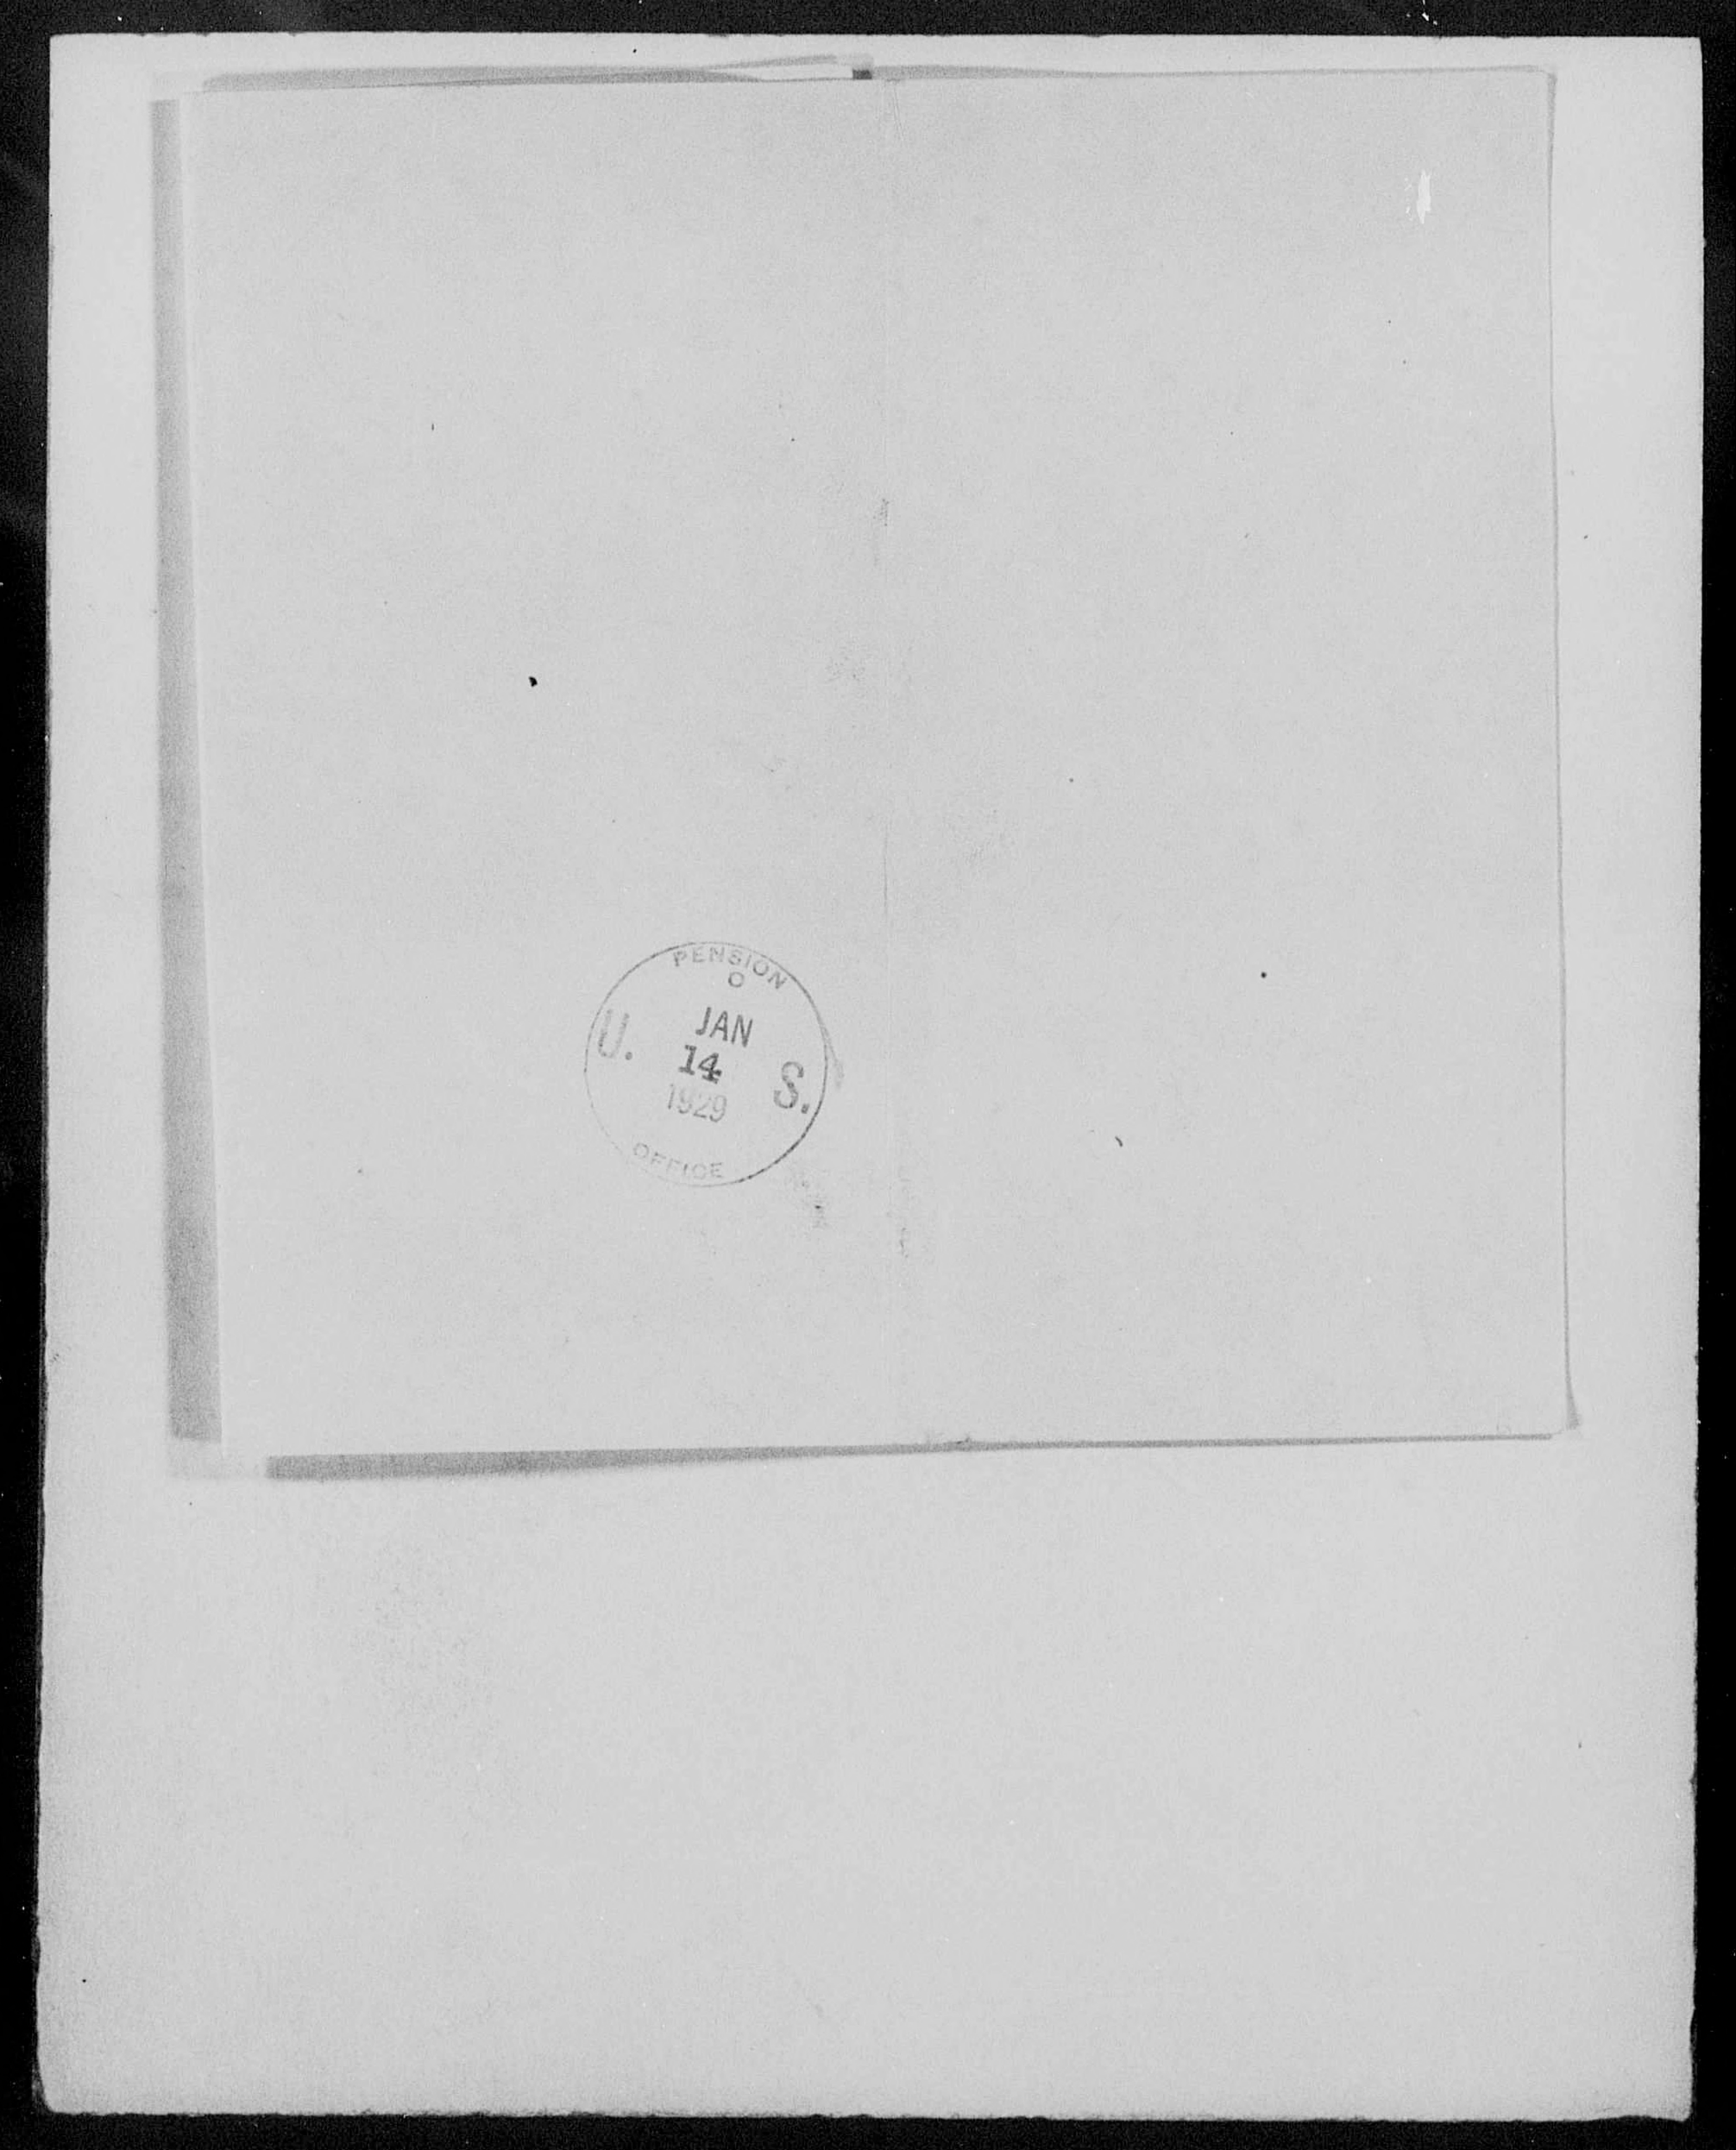Round stamp - U.S. PENSION OFFICE
JAN 14 1929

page: 39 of 86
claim: widow's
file: W. 1035, John Hubbs, S.C.